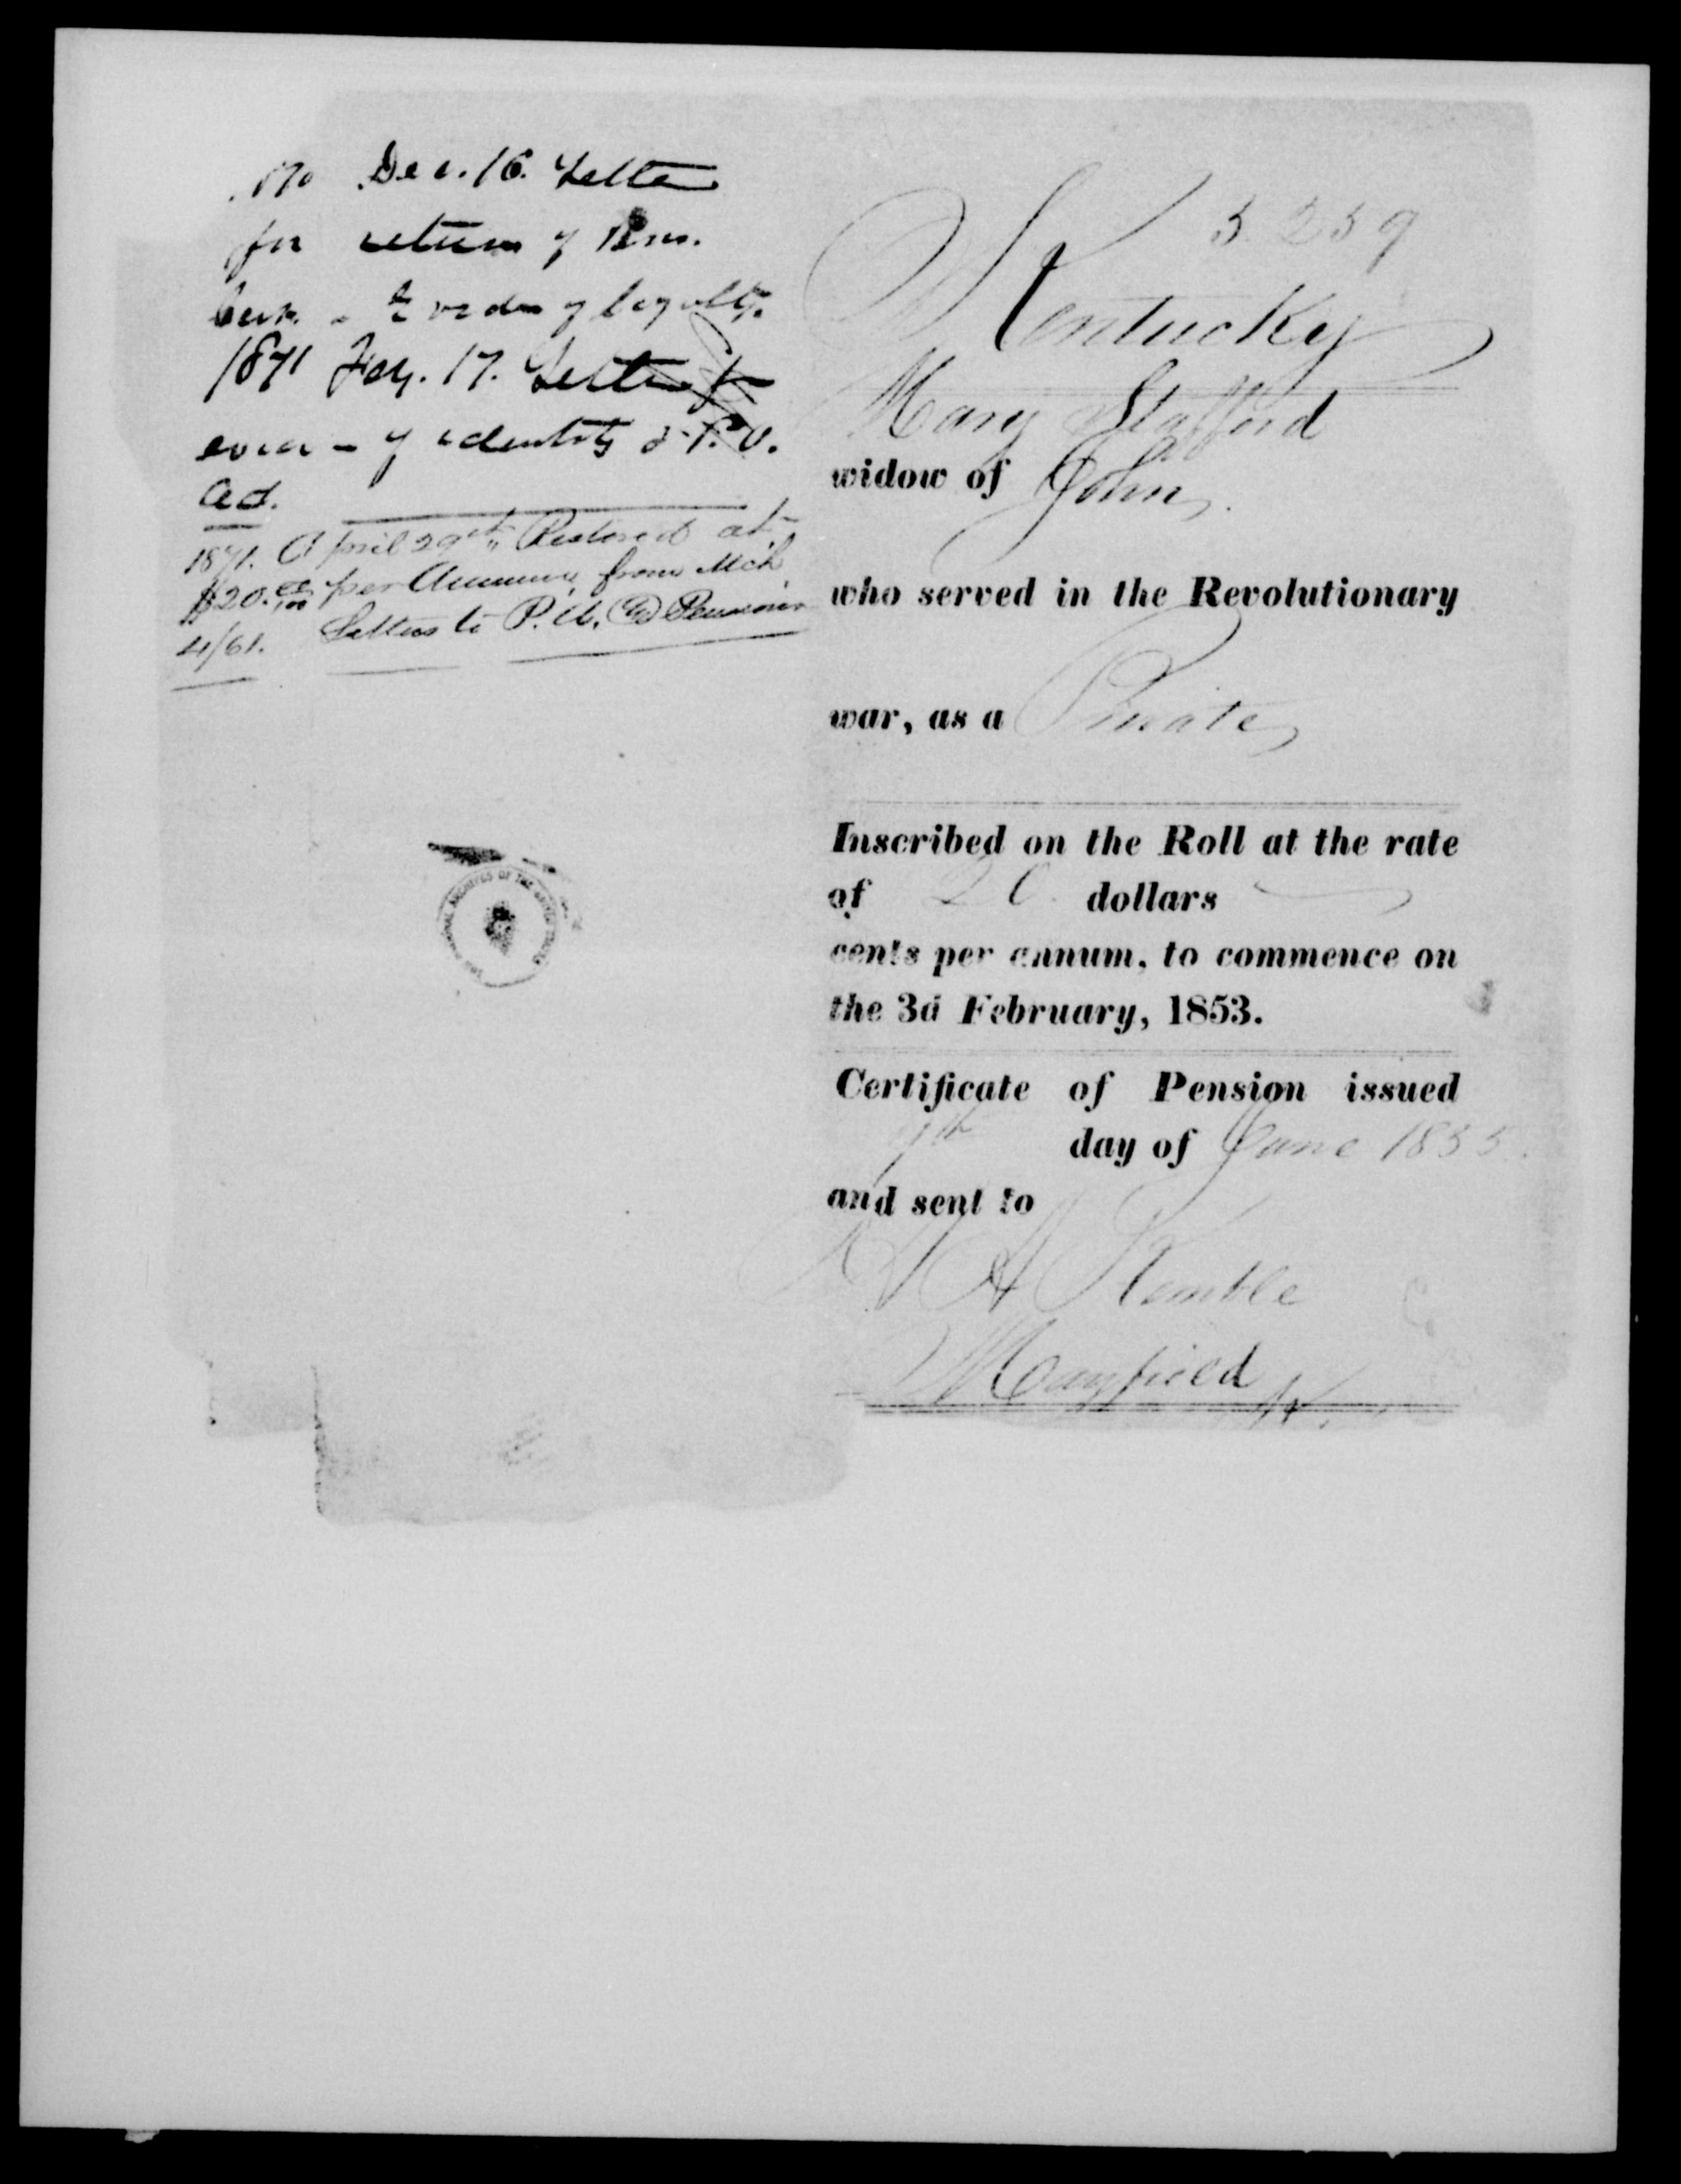[tear on corner] dec 16. Letter
for return[?] of Bones[?]
Corp. 
Gueds of leg alt.
1871 Feb 17. Letter from ev.d-of identity  P.V.
Ad.
1871 April 29th Restored at $20.00/100 per Annum from Meh 4/61.
Letters to P.U. Pensioner

[Next column on page]
5259
Kentucky
Mary Stafford
widow of John
who served in the Revolutionary war, as a Private
Inscribed on the Roll at the rate of 20 dollars ----cents per annum, to commence on the 3d February, 1853.
Certificate of Pension issued 7th day of June 1855. and sent to H A Kemble Canfield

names: A A Kemble; Mary Stafford; John Stafford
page: 3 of 61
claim: widow's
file: W. 11554, for John Stafford, Maryland